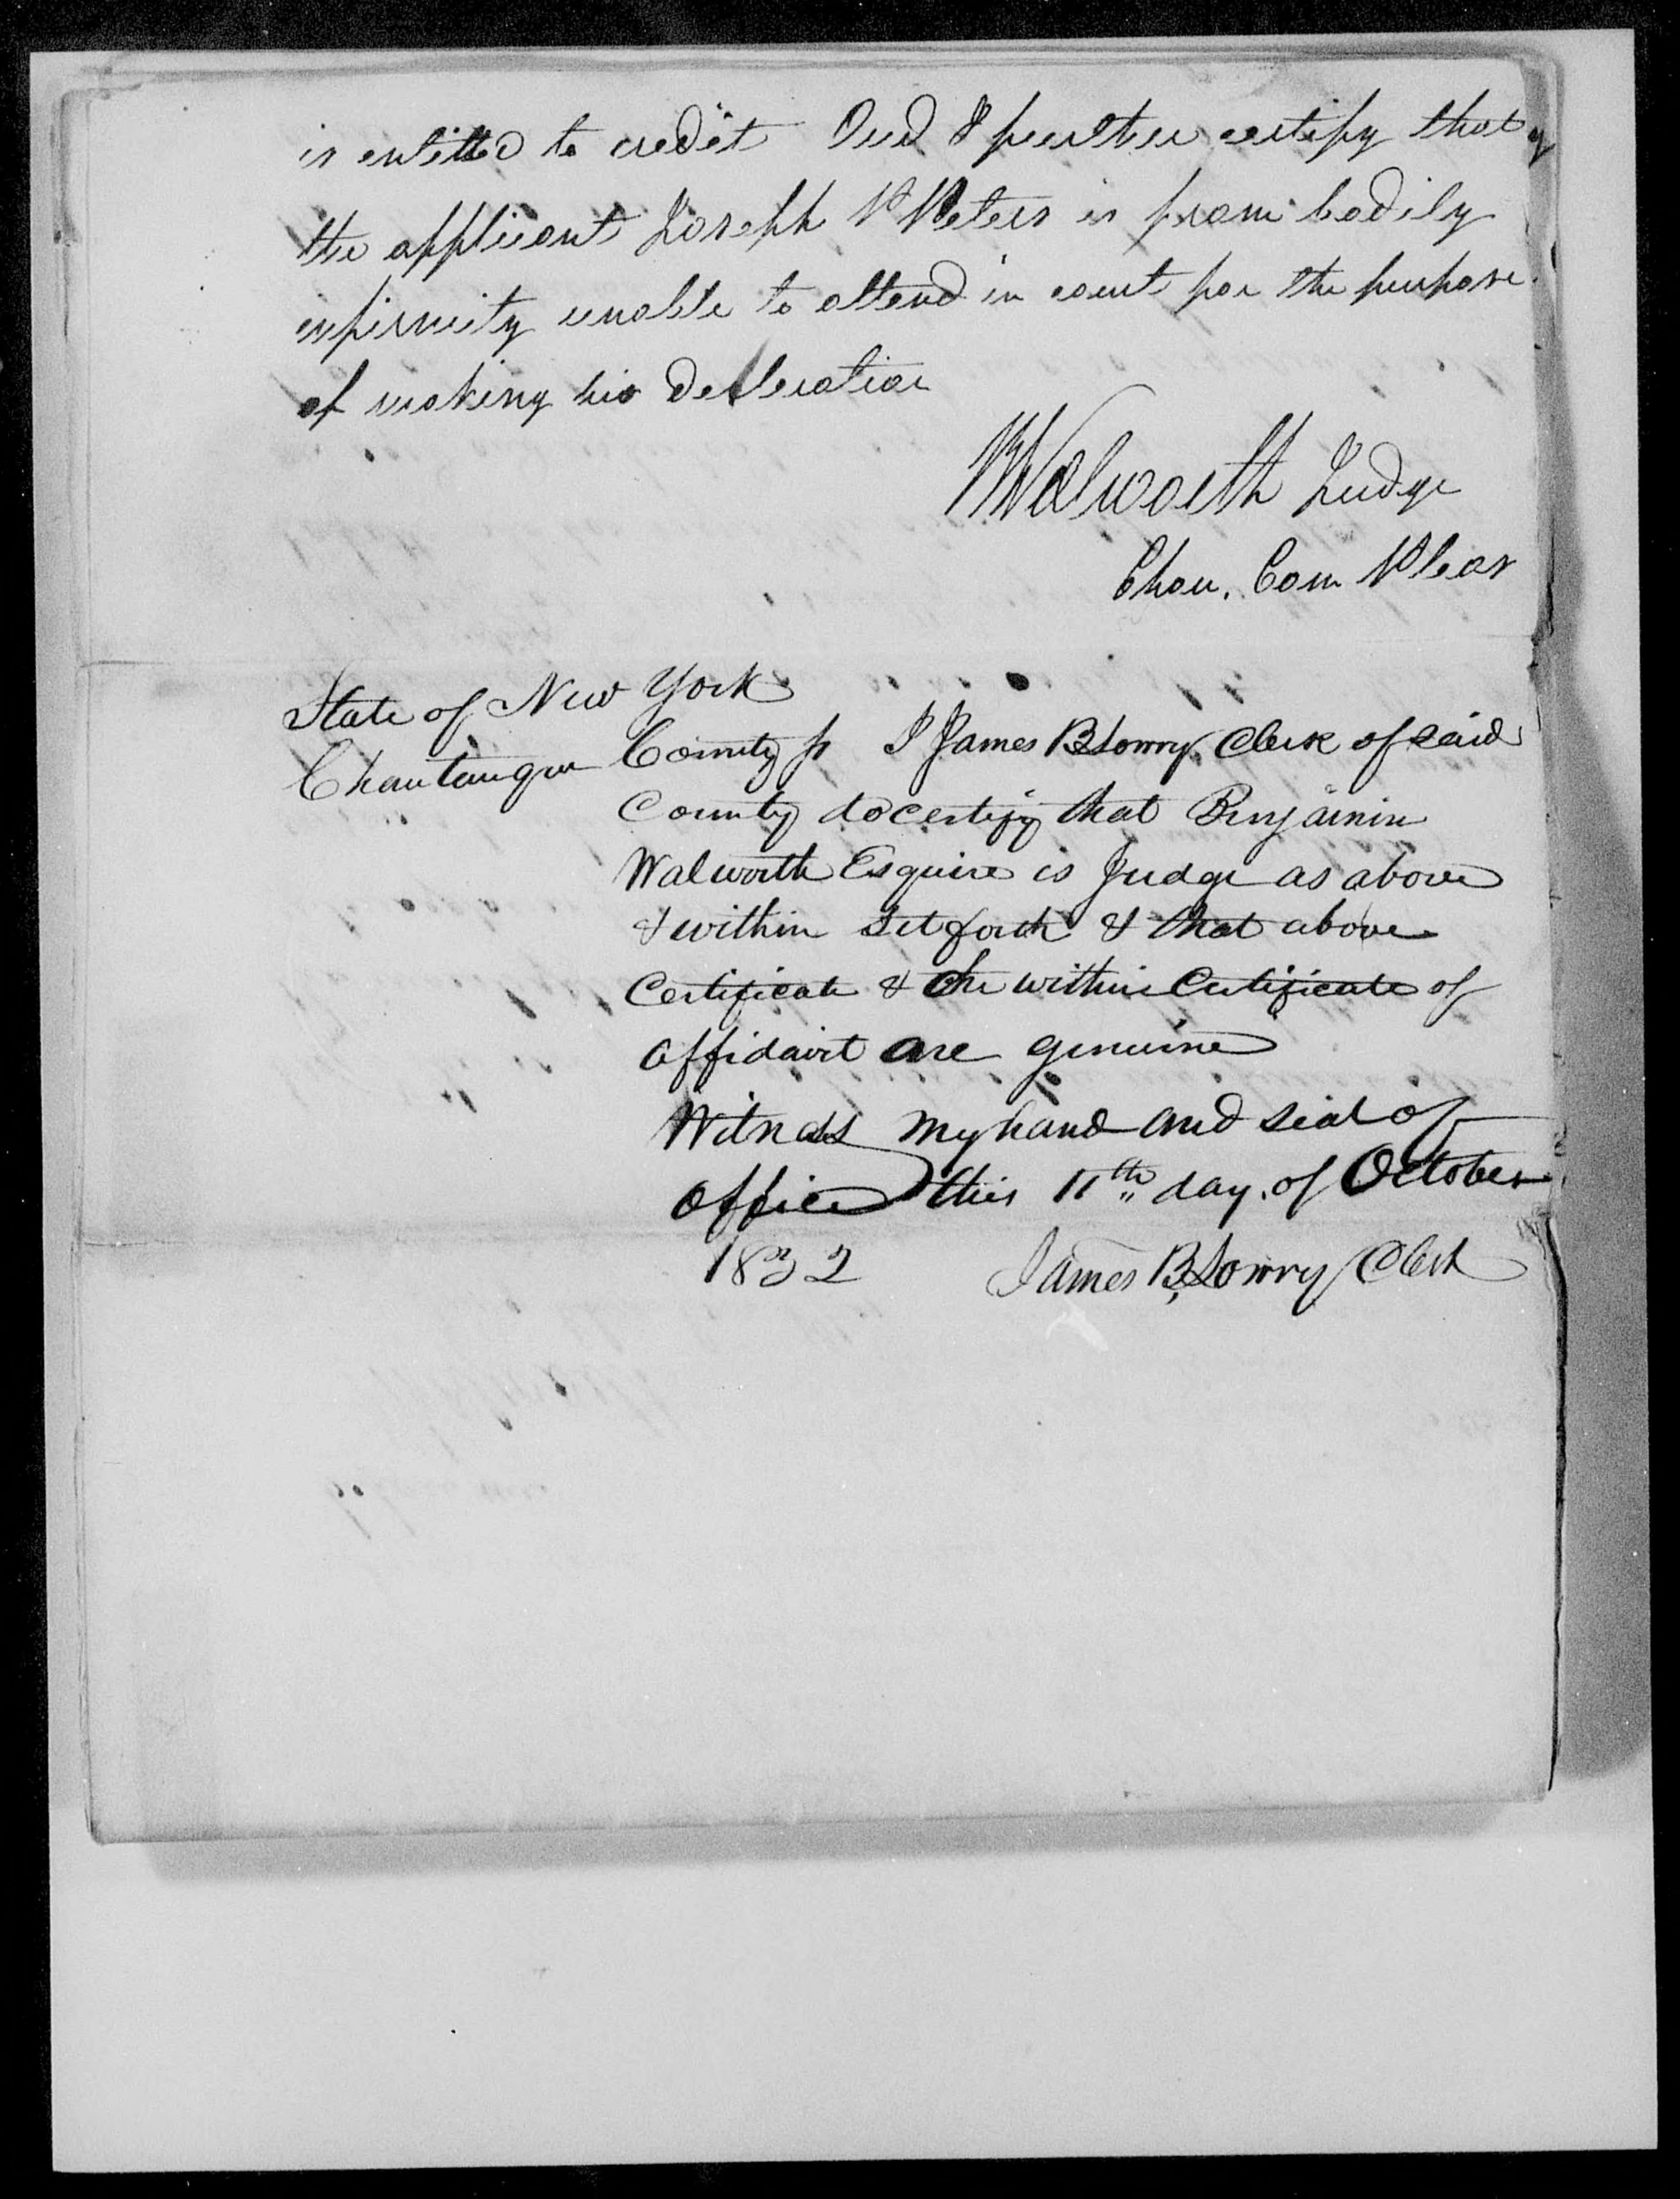is entitled to credit and I further certify that the applicant Joseph P Peters is from bodily infirmity unable to attend in court for the purpose of making his declaration. 
B Walworth Judge Chau Com Pleas 
State of New York 
Chautauqua County ss I James B Lowry Clerk of said County do certify that Benjamin Walworth Esquire is Judge as above & within set forth & that above Certificate & the within Certificate of affidavit are genuine.  Witness my hand and seal of Office this 10th day of October 1832  
James B. Lowry Clerk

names: James B Lowry; Benjamin Walworth; Joseph P Peters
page: 16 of 73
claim: widow's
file: W. 2338, for Joseph P Peters, Connecticut